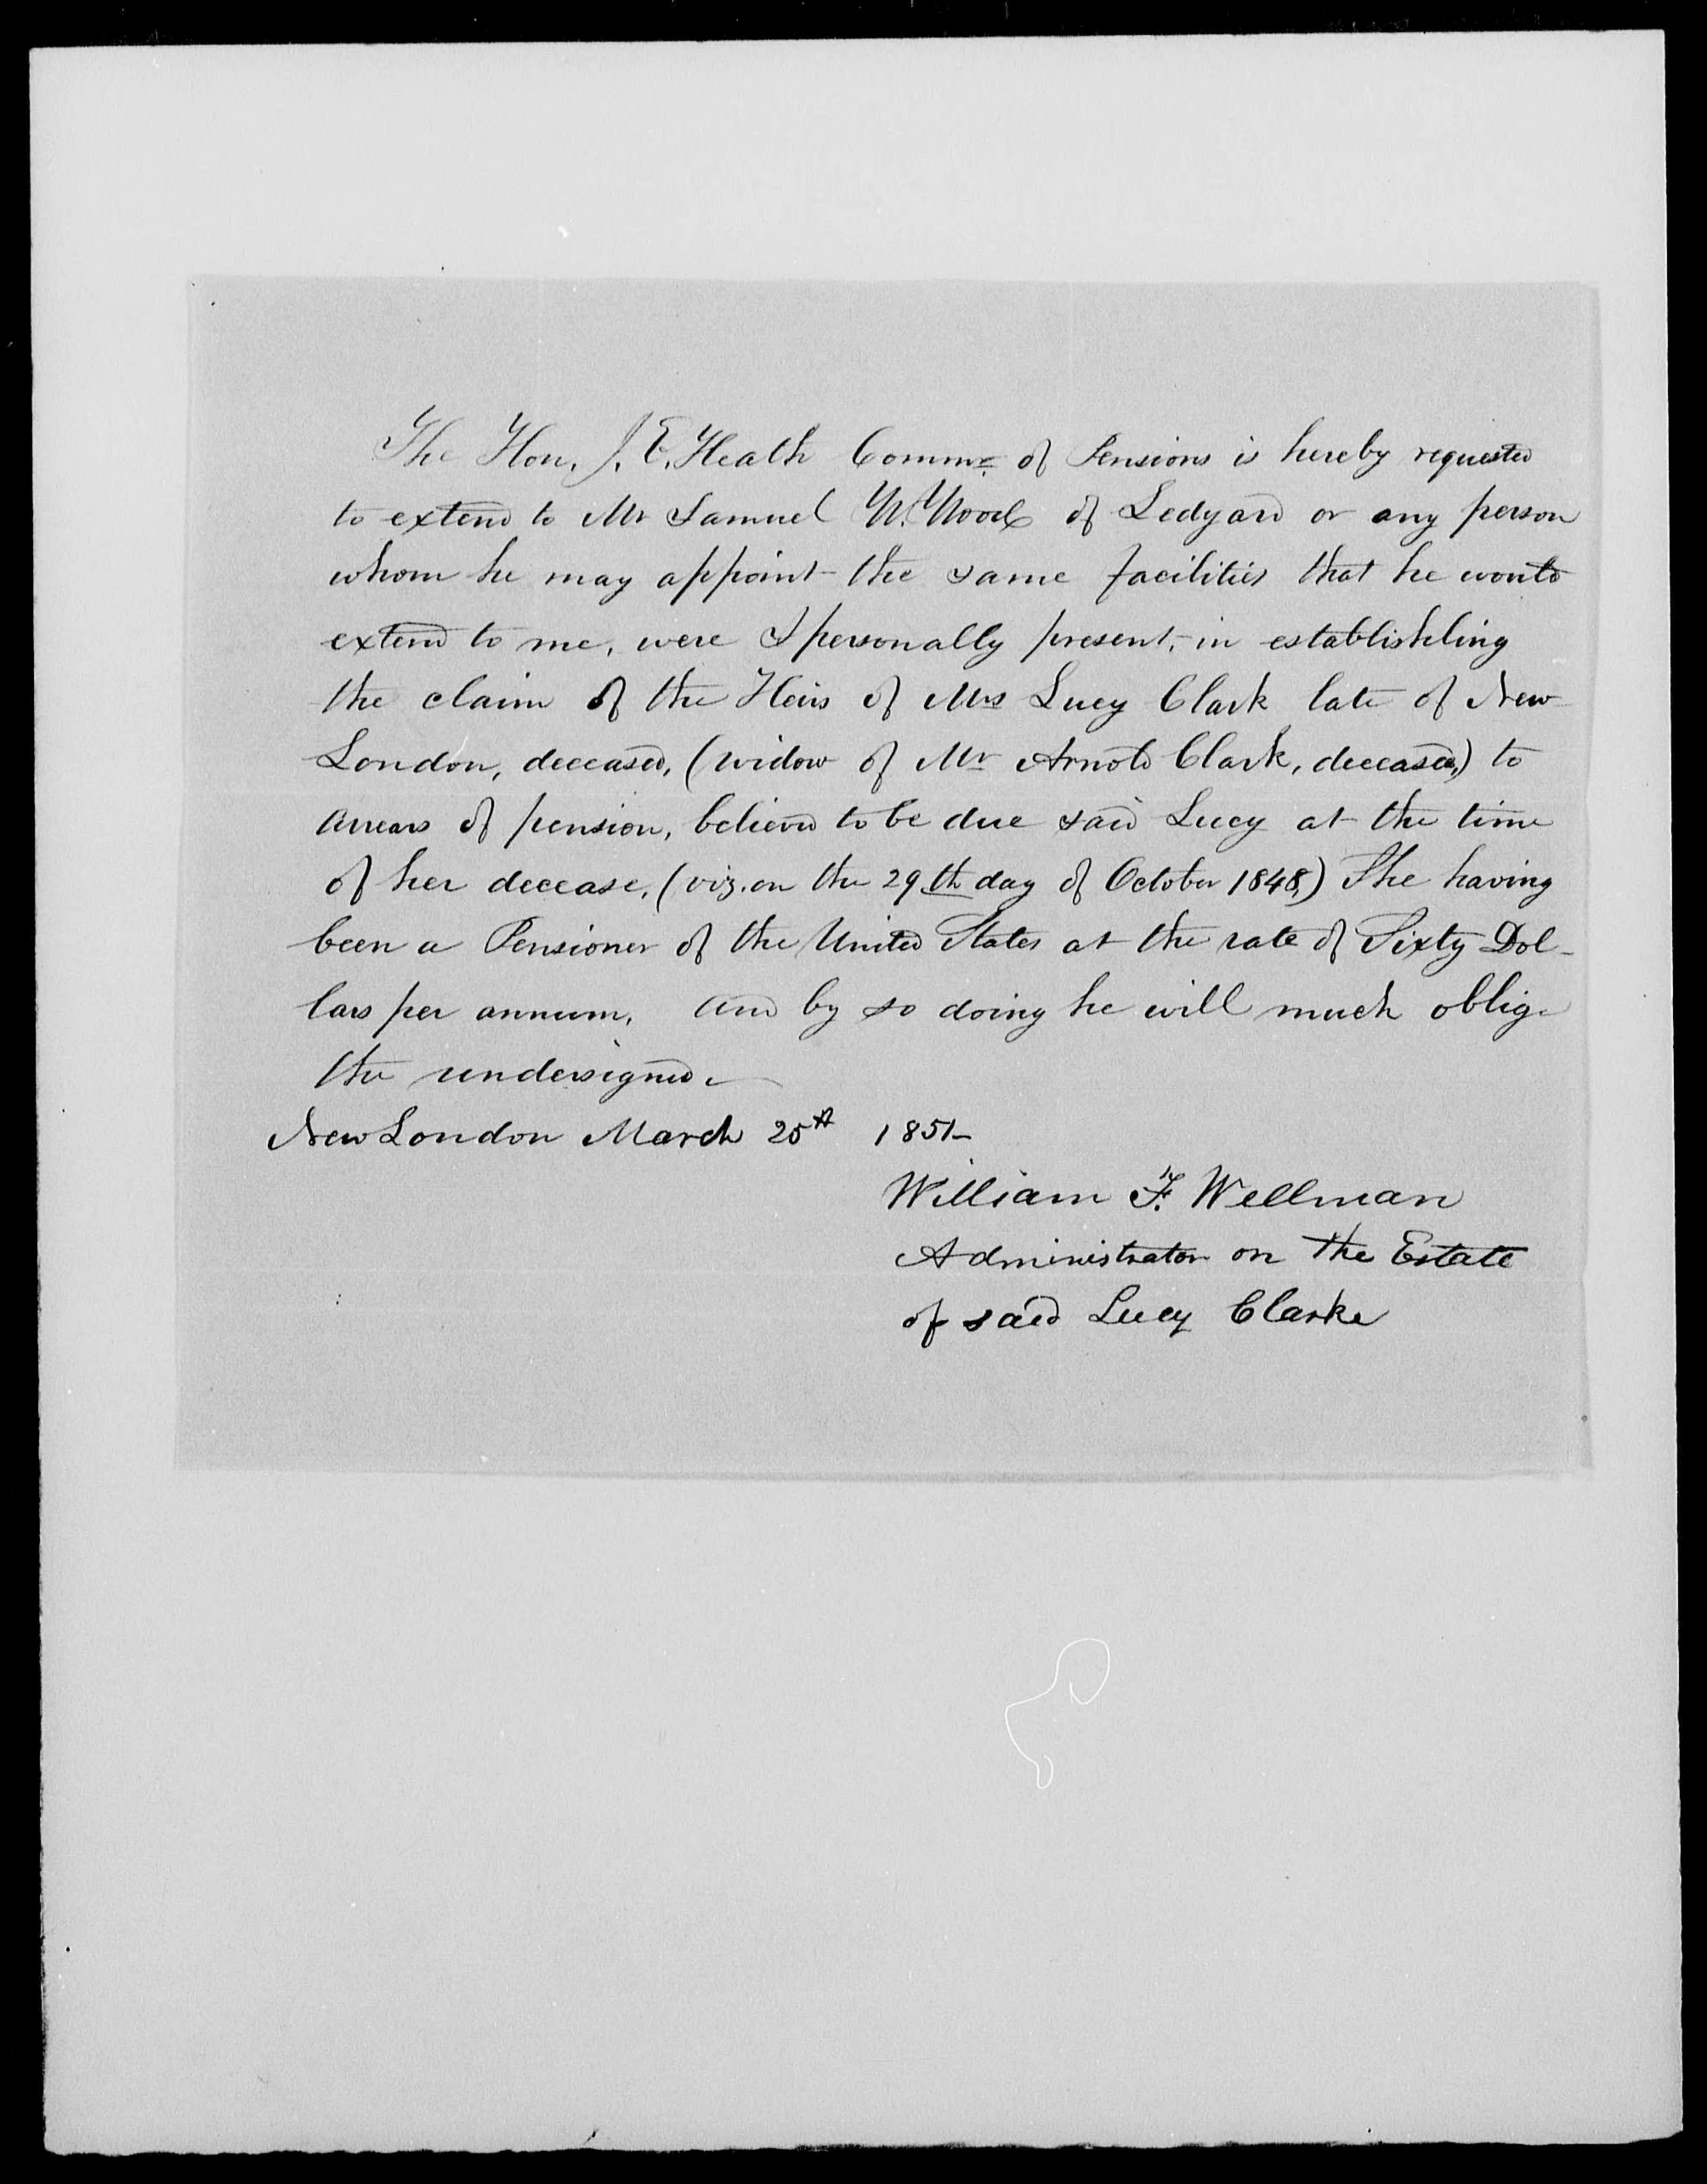The Hon. J.E. Heath Comm. of Pensions is hereby requested to extend to Mr. Samuel W. Woods of Ledyard or any person whom he may appoint the same facilities that he wonts extend to me, were I personally present, in establishing the claim of the heirs of Mrs. Lucy Clark late of New London, deceased, (widow of Mr. Arnold Clark, deceased,) to arrears of pension, believed to be due said Lucy at the time of her decease, (viz. on the 29th day of October 1848,) she having been a pensioner of the United States at the rate of sixty dollars per annum, and by so doing he will much oblige the undersigned.
New London March 25th 1851
William F. Wellman
Administrator on the Estate of said Lucy Clarke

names: Lucy, William F Wellman, Lucy Clarke, Samuel W Wood, Lucy Clark, J E Heath, Arnold Clark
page: 18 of 48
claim: widow's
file: W. 17,628, Arnold Clarke, R.I.